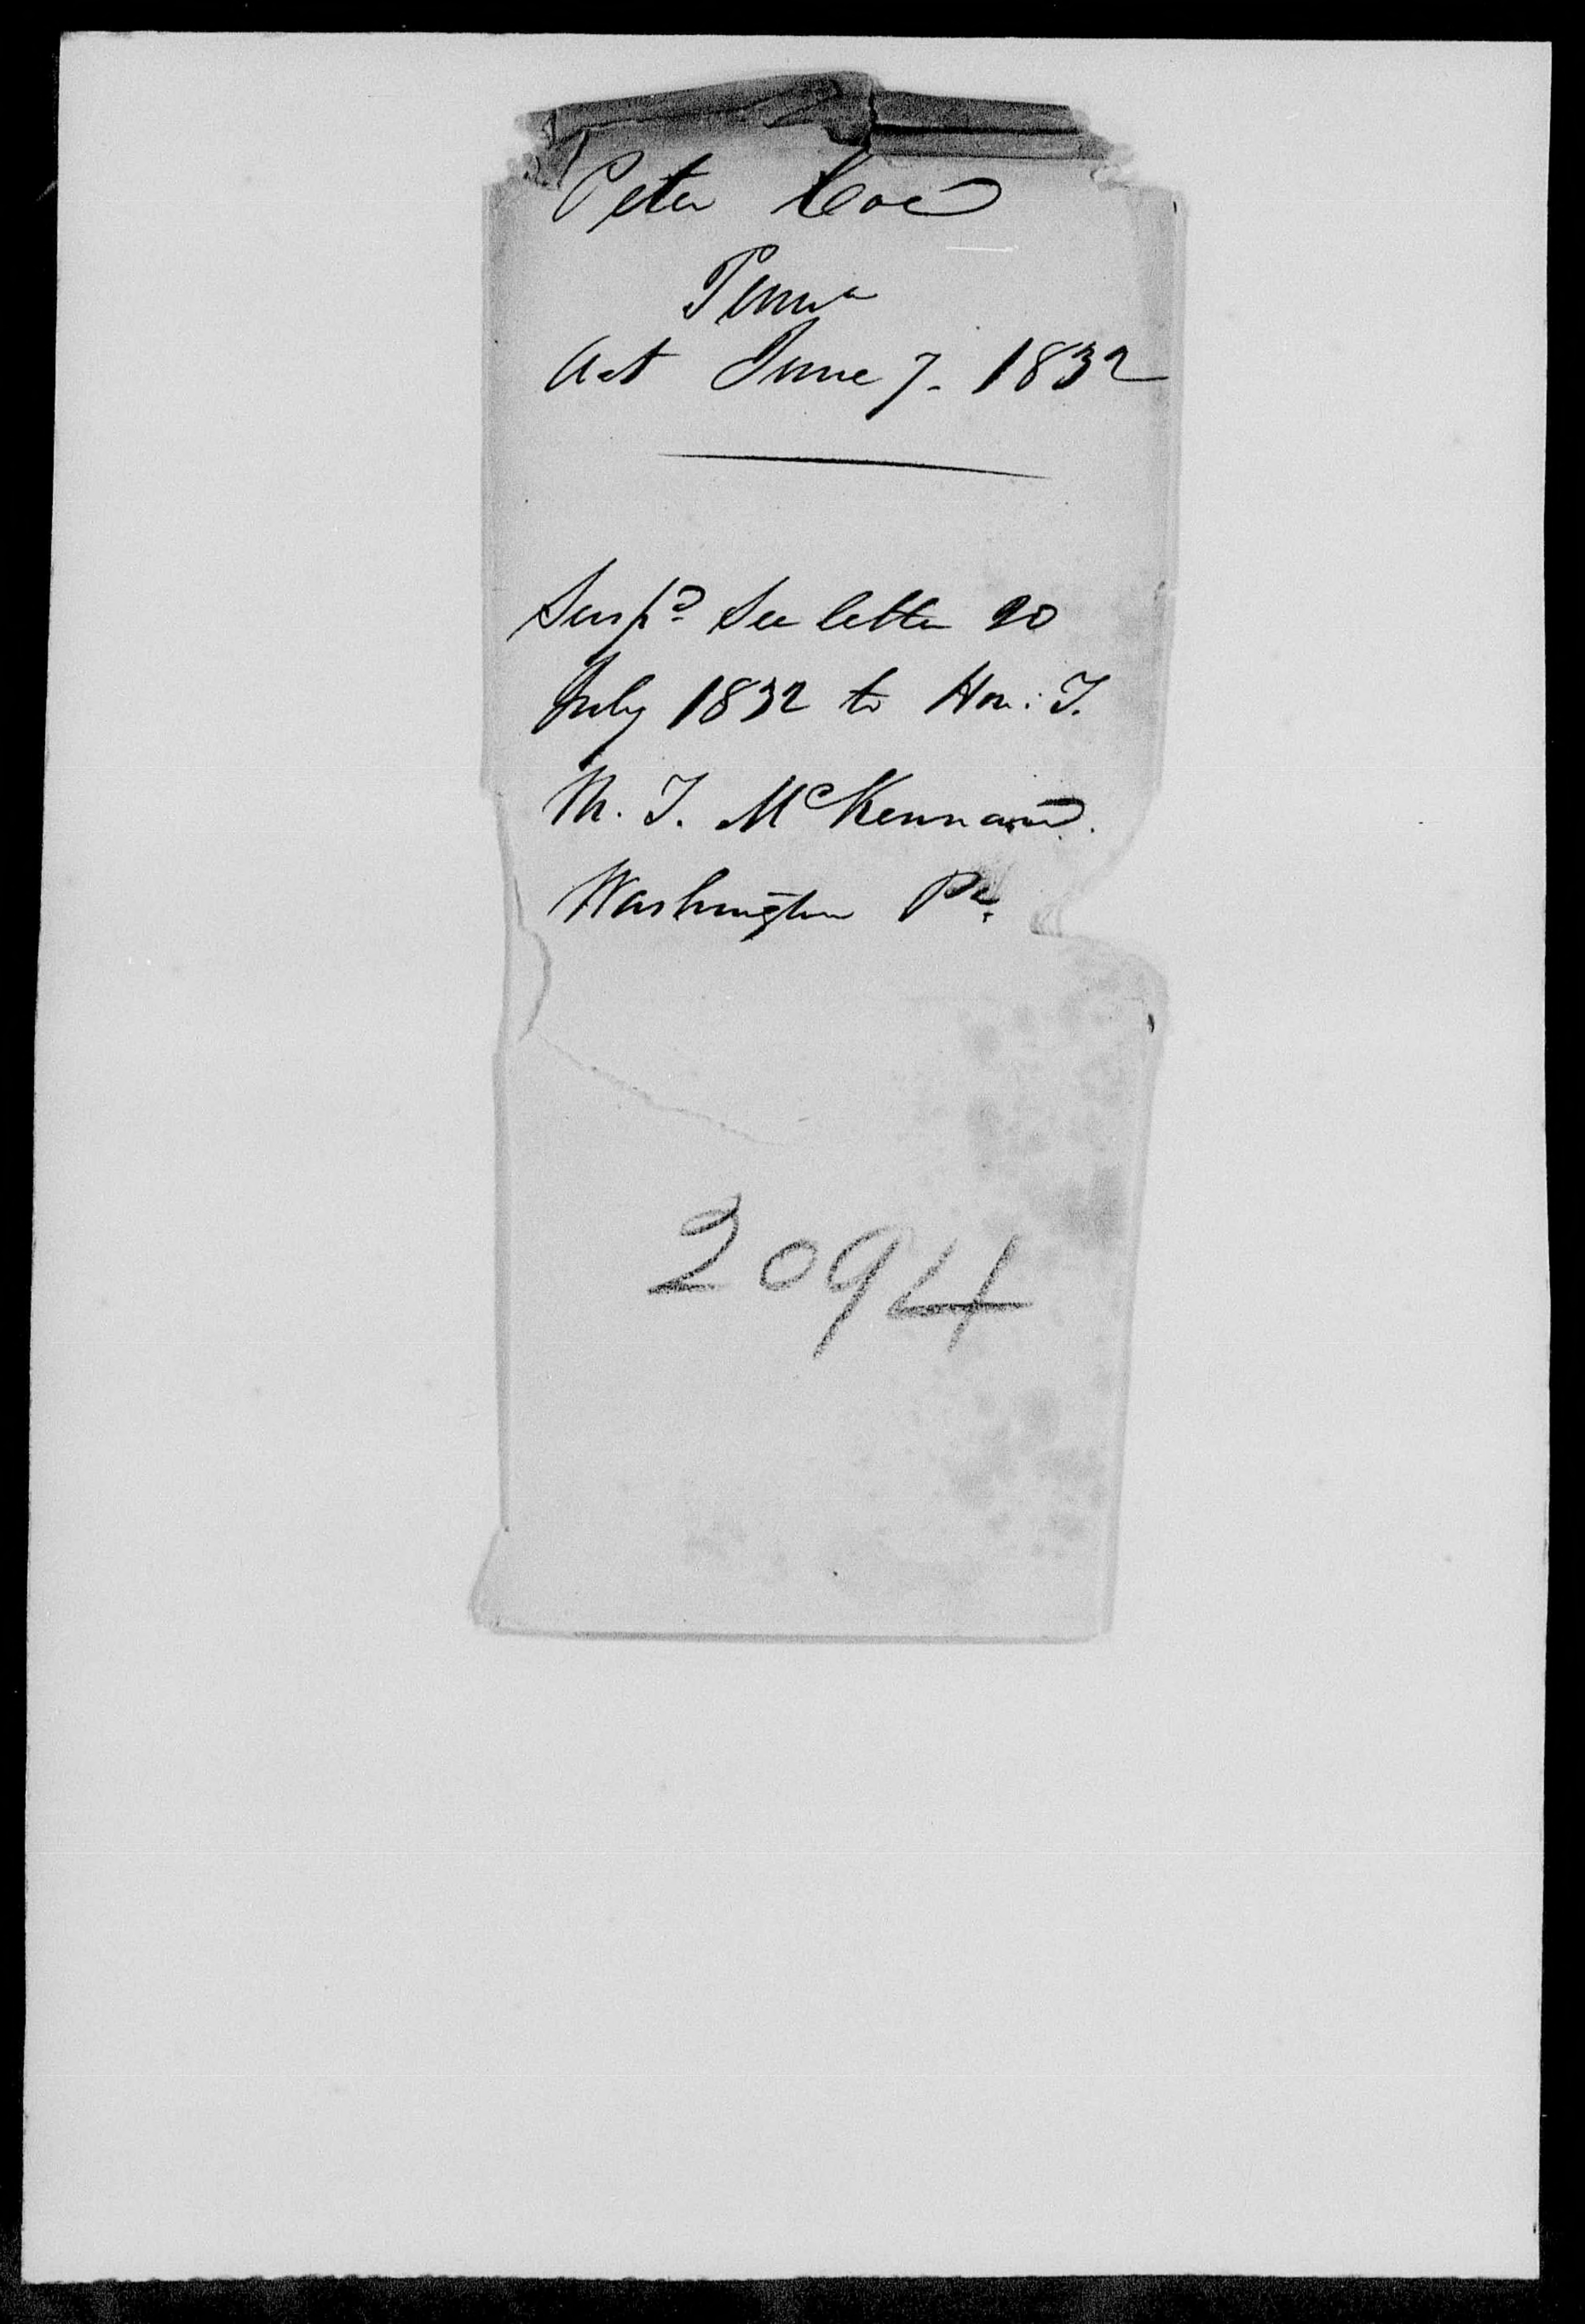Peter Coe
Pens Act June 7, 1832

Surpd. See letter 20 July 1832 to Hon. T. M. T. McKennan. 
Washington Pa.

2094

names: T M T Mc Kennan, Peter Coe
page: 14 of 23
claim: survivor's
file: S. 3167, Peter Coe, New Jersey Penn.